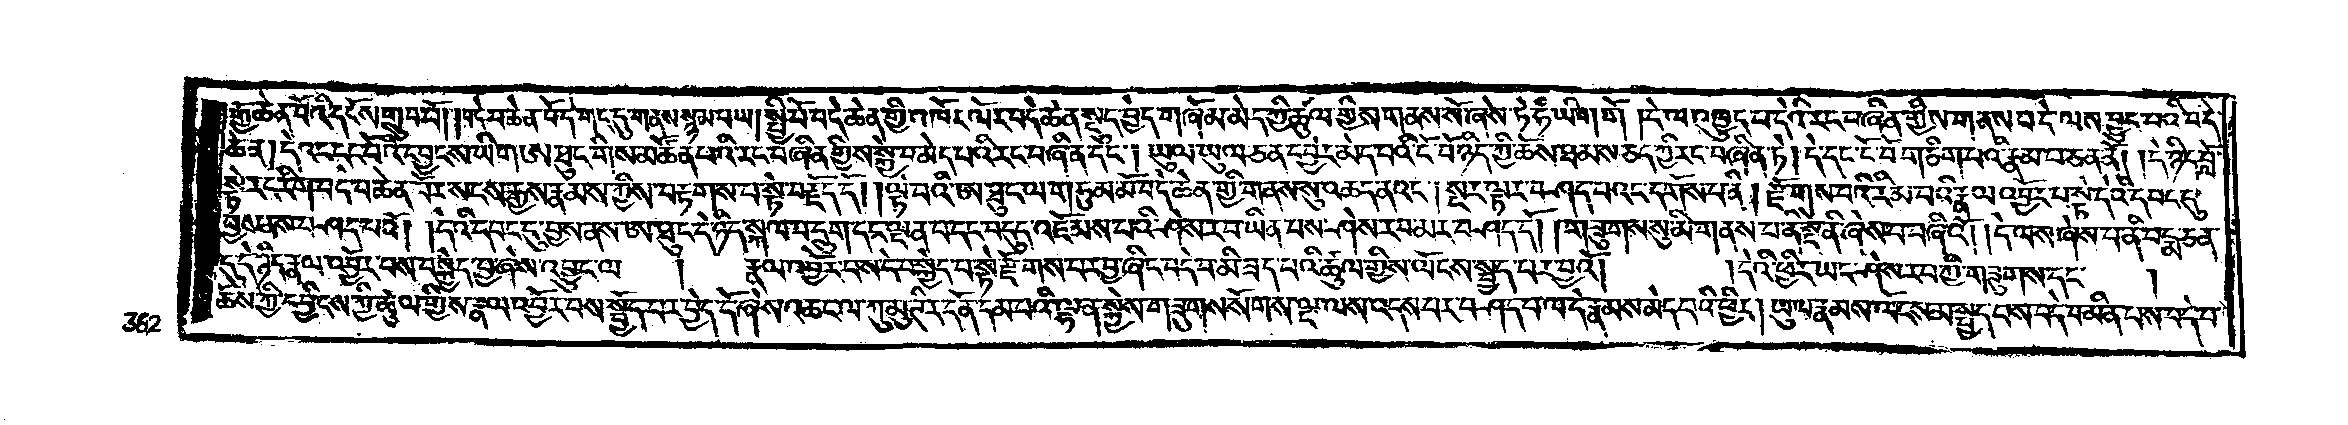རྒྱ་ཆེན་པོའི་དངོས་གྲུབ་བོ། །བདེ་བ་ཆེན་པོ་དེ་གང་དུ་གནས་སྙམ་པ་ཡ། སྤྱི་བོ་བདེ་ཆེན་གྱི་འཁོར་ལོར་བདེ་ཆེན་སྡུད་བྱེད་གཞོམ་མེད་ཀྱི་ཚུལ་གྱིས་གནས་སོ་ཞེས་ཏེ་ཧཾ་ཡིག་གོ །དེ་ལ་འཁྱུད་པ་དེའི་རང་བཞིན་གྱིས་གནས་བདེ་ལས་བྱུང་བའི་བདེ་
ཆེན། དེའང་དང་པོའི་དབྱངས་ཡིག་ཨ་ཐུང་གིས་མཚོན་པའི་རང་བཞིན་གྱིས་སྐྱེ་བ་མེད་པའི་རང་བཞིན་དང་། ཡུལ་ཡུལ་ཅན་དབྱེར་མེད་པའི་ངོ་བོ་ཉིད་ཀྱི་ཆོས་ཐམས་ཅད་ཀྱི་རང་བཞིན་ཏེ། དེ་དང་ངོ་བོ་གཅིག་པའི་རྣམ་པ་ཅན་ནོ། །དེ་ཉིད་བློ་
སྟེ་རང་རིག་བདེ་བ་ཆེན་པོར་སང་རྒྱས་རྣམས་ཀྱིས་བརྟགས་པ་སྟེ་བརྗོད་དོ། །ལྟེ་བའི་ཨ་ཐུང་ལ་གཏུམ་མོ་བདེ་ཆེན་གྱི་གནས་སུ་འཆད་ནའང་། སྔར་ལྟར་བཤད་པའང་དགོས་པ་ནི། རྫོགས་པའི་རིམ་པའི་རྣལ་འབྱོར་པ་སྟེ་དེའི་དབང་དུ་
བྱས་ནས་བཤད་པའོ། །དེའི་དབང་དུ་བྱས་ནས་ཨ་ཐུང་དེ་ཉིད་སྐལ་པ་དྲུག་དང་ལྡན་པ་དང་བདུད་འཇོམས་པའི་ཤེས་རབ་ཡིན་པས་ཤེས་རབ་མར་བཤད་དོ། །གཟུགས་སུ་མི་གནས་པ་ནི་སྡེ་ནི་ཞེས་པ་བཞིའོ། །དེ་ལས་ཞེས་པ་ནི་པདམ་ཅན་
དུ་དེ་ཉིད་རྣལ་འབྱོར་པས་བསྐྱེད་བྱ་ཞེས་འབྱུང་ལ། རྣལ་འབྱོར་བས་དེ་བསྐྱེད་པ་སྟེ་རྫོགས་པར་བྱ་ཞིང་བདེ་བ་མི་ཟད་པའི་ཚུལ་གྱིས་ལོངས་སྤྱད་པར་བྱའོ། །དེའི་ཕྱིར་ཡང་ཤེས་རབ་ཀྱི་གཟུགས་དང་།
ཆོས་ཀྱི་དབྱིངས་ཀྱི་ཚུལ་གྱིས་རྣལ་འབྱོར་བས་སྤྱོད་པར་བྱེད་དོ་ཞེས་འཆང་ལ་ཀུ་མུ་ཊིར་དོན་དམ་པའི་ལྷན་སྐྱེས་གཟུགས་སོགས་ལྔ་ལས་འདས་པར་བཤད་པ་ལ་དེ་རྣམས་མེད་པའི་ཕྱིར། ཡུལ་རྣམས་ལོངས་མ་སྤྱད་པས་བདེ་བ་མིན་པས་བདེ་བ་